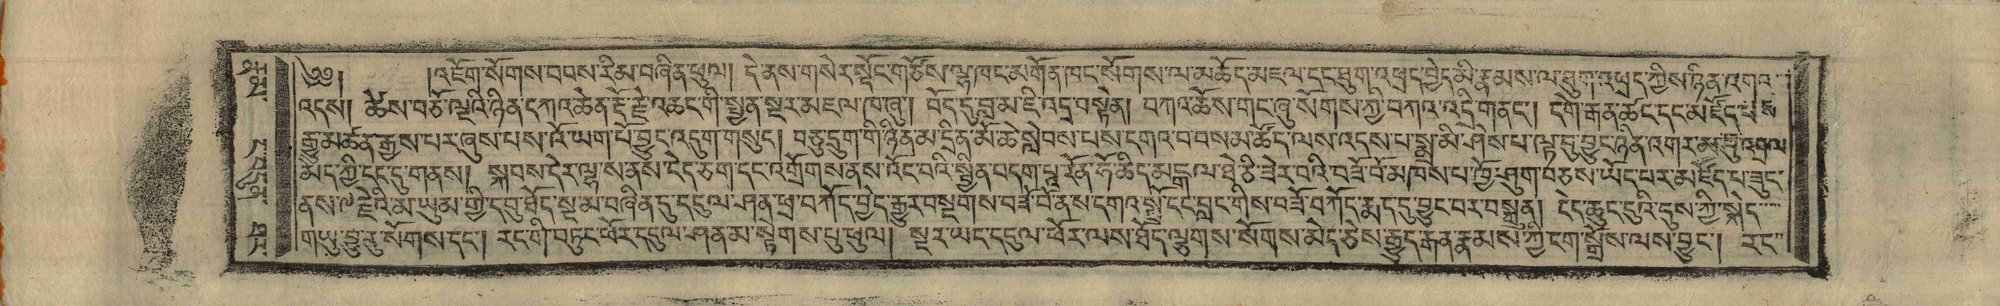༄༅། །འཇོག་སོགས་བབས་རིམ་བཞིན་ཕུལ། དེ་ནས་གསེར་སྡོང་གཙོས་ལྷ་ཁང་མགོན་ཁང་སོགས་ལ་མཆོད་མཇལ་དང་ཐུག་འཕྲད་བྱེད་མི་རྣམས་ལ་ཐུག་འཕྲད་ཀྱིས་ཉིན་འགའ་
འདས། ཚེས་བཅོ་ལྔའི་ཉིན་དཀའ་ཆེན་རྡོ་རྗེ་འཆང་གི་སྤྱན་སྔར་མཇལ་ཁ་ཞུ། བོད་དུ་བླ་མ་ཇི་འདྲ་བསྟེན། བཀའ་ཆོས་གང་ཞུ་སོགས་ཀྱི་བཀའ་འདྲི་གནང་། དགེ་རྒན་ཚང་དང་མཛོད་པས་
རྒྱུ་མཚན་རྒྱས་པར་ཞུས་པས་འོ་ཡག་པོ་བྱུང་འདུག་གསུང་། བཅུ་དྲུག་གི་ཉིན་མ་དྲིན་མོ་ཆེ་སླེབས་པས་དགའ་བ་བསམ་ཚོད་ལས་འདས་པ་སྨྲ་མི་ཤེས་པ་ལྟ་བུ་བྱུང་ཉིན་འགར་མ་བུ་འབྲལ་
མེད་ཀྱི་ངང་དུ་གནས། སྐབས་དེར་ལྷ་ས་ནས་ངེད་ཅག་དང་འགྲོགས་ནས་འོང་བའི་སྦྱིན་བདག་པཱ་རོན་ཧོ་ཆིད་མངྒལ་ཐེ་ཅི་ཟེར་བའི་བཟོ་བོ་མཁས་པ་ཁྱོ་ཤུག་བཅས་ཡོད་པར་མཛོད་པ་ཟུང་
ནས་༧་རྗེའི་མ་ཡུམ་གྱི་དབུ་ཐོད་སྔ་མ་བཞིན་དུ་དངུལ་ཤན་ཕྲ་བཀོད་བྱེད་རྒྱུར་བསྔགས་བཟོ་བོ་ནས་དགའ་སྤྲོ་དང་བླང་གིས་བཟོ་བཀོད་རྨད་དུ་བྱུང་བར་བསྐྲུན། ངེད་ཆུང་ངུའི་དུས་ཀྱི་སྐེད་
གཡུ་བྱུ་རུ་སོགས་དང་། རང་གི་བཏུང་ཕོར་དངུལ་ཤན་མ་སྟེགས་པུ་ཕུལ། སྔར་ཡང་དངུལ་ཕོར་ལས་ཐོད་ལྕགས་སོགས་མེད་ཅེས་རྒྱུད་རྒན་རྣམས་ཀྱི་ངག་སྒྲོས་ལས་བྱུང་། རང་